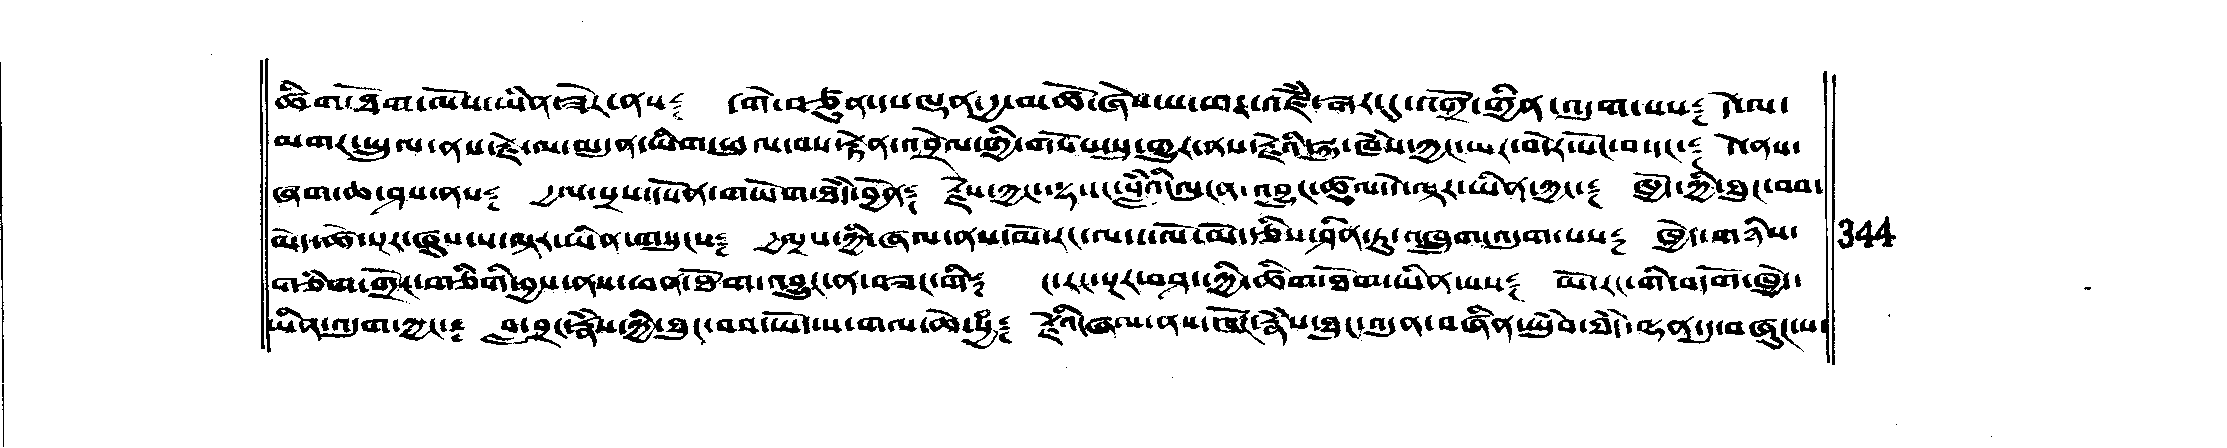ཚིག་ཐོག་ལོས་ཡིན་ཟེར་ནས། དགེ་བཙུན་དཔལ་ལྡན་རྒྱ་མཚོ་ཞེས་པ་ཨ་འཛོམ་སྒར་དུ་འགྲོ་གྱིན་འདུག་པས། དེ་ལ་
མགར་སྤྲུལ་ནས་རྗེ་ལ་མདུན་ཡིག་ཕུལ་བས་རྟེན་འབྲེལ་གྱི་གསོས་སུ་གྱུར་ནས་རྗེའི་སྐུ་ཁམས་ཀྱང་ཡར་བདེར་སོང་བ་དང་། དེ་ནས་
ཞག་ཆ་ཤས་ནས། རྒྱལ་སྲས་དཔོན་གཡོག་ཐམས་ཅད་བྱོན། རྗེས་ཀྱང་ལྷ་དང་བླ་མའི་ལུང་བསྟན་འབྱུང་ཚུལ་དེ་ལྟར་ཡིན་ཀྱང་། ཁྱོད་ཀྱི་ཐུགས་བབ་
མེད་ཚེ་སྔར་ཞུས་པ་ལྟར་ཡིན་གསུངས། རྒྱལ་སྲས་ཀྱི་ཞལ་ནས་མོ་རང་ལ་ད་ལོ་མོ་རྩིས་ཤིན་ཏུ་འཁྲུག་འདུག་པས། ཁྱེད་གཉིས་
གཅིག་གྲོགས་གཅིག་གི་བྱས་ནས་ཕན་ཐོག་འབྱུང་ན་བཟང་གི ང་རང་སྔར་བཤད་ཀྱི་ཚིག་ཐོག་ཡིན་པས། མོ་རང་གི་བདག་པོ་ཁྱེད་
ཡིན་འདུག་ཀྱང་། བླ་བྲང་རྣམས་ཀྱི་ཐུགས་བབ་ཡོད་པ་གལ་ཆེ་གསུང་། རྗེའི་ཞལ་ནས་ཁོང་རྣམས་ཐུགས་འདུན་བཞིན་ཡབ་ཡུམ་ཐམས་ཅད་ལྷན་དུ་བཞུགས་པ་